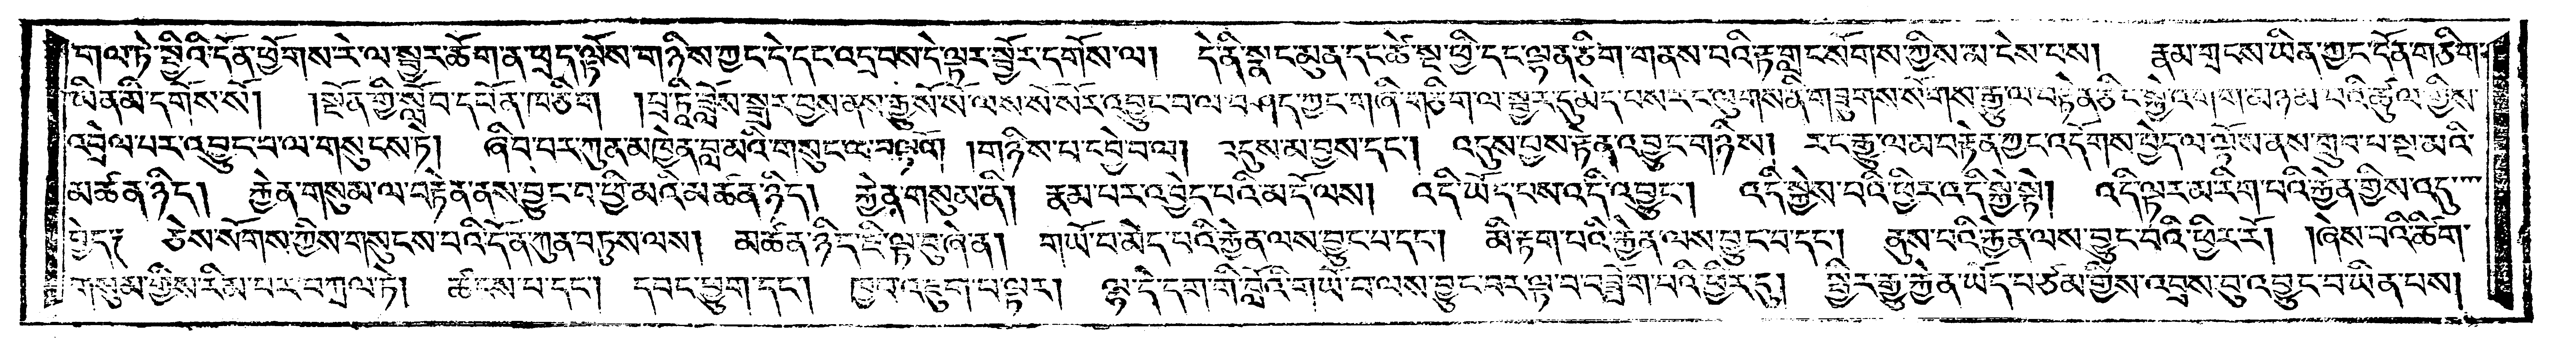གལ་ཏེ་སྤྱིའི་དོན་ཕྱོགས་རེ་ལ་སྦྱར་ཆོག་ན་ཕྲད་ལྟོས་གཉིས་ཀྱང་དེ་དང་འདྲ་བས་དེ་ལྟར་སྦྱོར་དགོས་ལ། དེ་ནི་སྣང་མུན་དང་ཚེ་སྔ་ཕྱི་དང་ལྷན་ཅིག་གནས་བའི་རྟ་གླེང་སོགས་ཀྱིས་མ་དྲེས་བས། །རྣམ་གྲངས་ཡིན་ཀྱང་དོན་གཅིག་
ཡིན་མི་དགོས་སོ། །སྔོན་གྱི་སློབ་དཔོན་ཁ་ཅིག། །པྲ་ཏཱི་ཟློས་སྒྲར་བྱས་ནས་རྒྱུ་སོ་སོ་འབྱུང་བ་ལ་བཤད་ཀྱང་གཞི་གཅིག་ལ་སྦྱར་དུ་མེད་བས་རང་ལུགས་ནི་གཟུགས་སོགས་རྒྱུ་ལ་བརྟེན་ཅིང་སྐྱེ་འགག་མཉམ་བའི་ཚུལ་གྱིས་
འབྲེལ་པར་འབྱུང་བ་ལ་གསུངས་ཏེ། ཞིབ་པར་ཀུན་མཁྱེན་བླ་མའི་གསུང་ལ་བལྟའོ། །གཉིས་པ་དབྱེ་བ་ལ། འདུས་མ་བྱས་དང་། འདུས་བྱས་རྟེན་འབྱུང་གཉིས། རང་རྒྱུ་ལམ་བརྟེན་ཀྱང་འདོགས་བྱེད་ལ་ལྟོས་ནས་གྲུབ་པ་སྔ་མའི་
མཚན་ཉིད། རྐྱེན་གསུམ་ལ་བརྟེན་ནས་བྱུང་བ་ཕྱི་མའི་མཚན་ཉིད། རྐྱེན་གསུམ་ནི། རྣམ་པར་འབྱེད་པའི་བདོ་ལས། འདི་ཡོད་པས་འདི་འབྱུང་། འདི་སྐྱེས་བའི་ཕྱིར་འདི་སྐྱེ་སྟེ། འདི་ལྟར་མ་རིག་པའི་རྐྱེན་གྱིས་འདུ་
བྱེད༑ ཅེས་སོགས་ཀྱིས་གསུངས་པའི་དོན་ཀུན་བ་ཏུས་ལས། མཚན་ཉིད་ཇི་ལྟ་བུ་ཞེ་ན། གཡོ་བ་མེད་པའི་རྐྱེན་ལས་བྱུང་པ་དང་། མི་རྟག་པའི་རྐྱེན་ལས་བྱུང་བ་དང་། ནུས་བའི་རྐྱེན་ལས་བྱུང་བའི་ཕྱིར་རོ། །ཞེས་བའི་ཚིག་
གསུམ་གྱིས་རིམ་བར་བཀྲལ་ཏེ། ཚངས་བ་དང་། དབང་ཕྱུག་དང་། ཁྱབ་འཇུག་པ་ལྟར། ལྷ་དེ་དག་གི་བློའི་གཡོ་བ་ལས་བྱུང་བར་ལྟ་བ་བཟློག་པའི་ཕྱིར་དུ། སྤྱིར་རྒྱུ་རྐྱེན་ཡོད་བཙམ་གྱིས་འབྲས་བུ་འབྱུང་བ་ཡིན་པས།